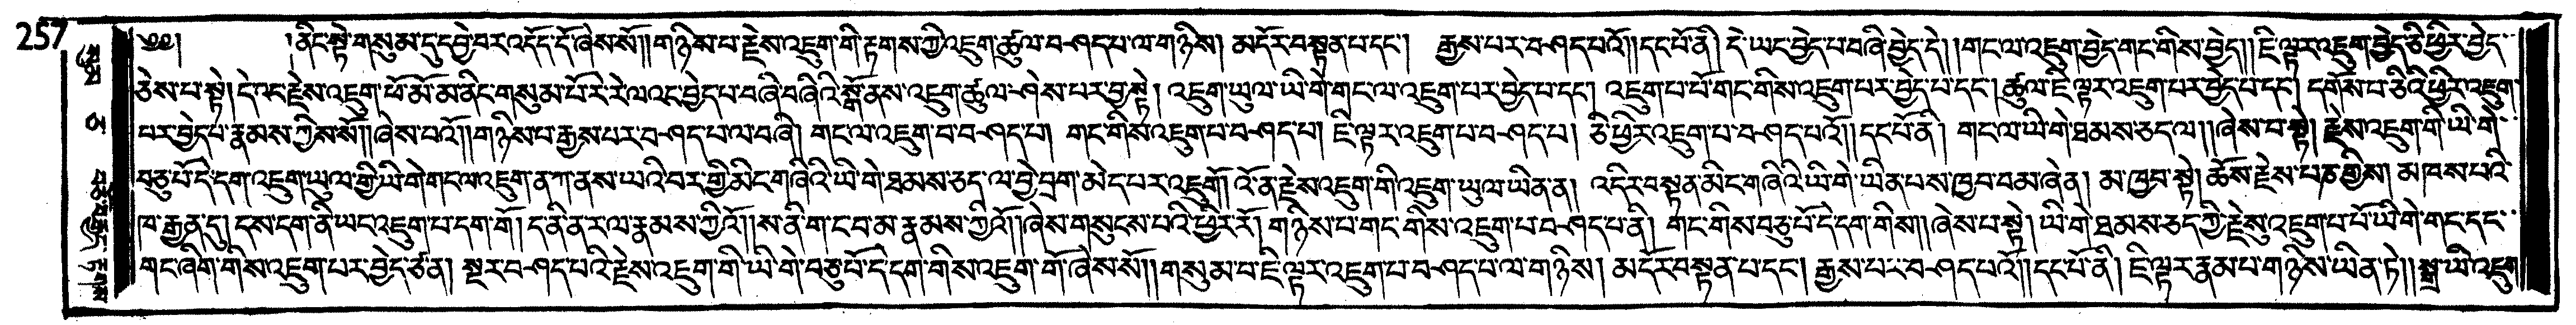༄༅། །ནིང་སྟེ་གསུམ་དུ་དབྱེ་བར་འདོད་དོ་ཞེས་སོ། །གཉིས་པ་རྗེས་འཇུག་གི་རྟགས་ཀྱི་འཇུག་ཚུལ་བཤད་པ་ལ་གཉིས། མདོར་བསྟན་པ་དང་། རྒྱས་པར་བཤད་པའོ། །དང་པོ་ནི། དེ་ཡང་བྱེད་པ་བཞི་བྱེད་དེ། །གང་ལ་འཇུག་བྱེད་གང་གིས་བྱེད། །ཇི་ལྟར་འཇུག་བྱེད་ཅི་ཕྱིར་བྱེད་
ཅེས་པ་སྟེ། དེ་འང་རྗེས་འཇུག་ཕོ་མོ་མ་ནིང་གསུམ་པོ་རེ་རེ་ལའང་བྱེད་པ་བཞི་བཞིའི་སྒོ་ནས་འཇུག་ཚུལ་ཤེས་པར་བྱ་སྟེ། འཇུག་ཡུལ་ཡི་གེ་གང་ལ་འཇུག་པར་བྱེད་པ་དང་། འཇུག་པ་པོ་གང་གིས་འཇུག་པར་བྱེད་པ་དང་། ཚུལ་ཇི་ལྟར་འཇུག་པར་བྱེད་པ་དང་། དགོས་པ་ཅིའི་ཕྱིར་འཇུག་
པར་བྱེད་པ་རྣམས་ཀྱིས་སོ། །ཞེས་པའོ། །གཉིས་པ་རྒྱས་པར་བཤད་པ་ལ་བཞི། གང་ལ་འཇུག་བ་བཤད་པ། གང་གིས་འཇུག་པ་བཤད་པ། ཇི་ལྟར་འཇུག་པ་བཤད་པ། ཅི་ཕྱིར་འཇུག་པ་བཤད་པའོ། །དང་པོ་ནི། གང་ལ་ཡི་གེ་ཐམས་ཅད་ལ། །ཞེས་པ་སྟེ། རྗེས་འཇུག་གི་ཡི་གེ་
བཅུ་པོ་དེ་དག་འཇུག་ཡུལ་གྱི་ཡི་གེ་གང་ལ་འཇུག་ན་ཀ་ནས་ཡའི་བར་གྱི་མིང་གཞིའི་ཡི་གེ་ཐམས་ཅད་ལ་བྱེ་བྲག་མེད་པར་འཇུགོ། འོ་ན་རྗེས་འཇུག་གི་འཇུག་ཡུལ་ཡིན་ན། འདིར་བསྟན་མིང་གཞིའི་ཡི་གེ་ཡིན་པས་ཁྱབ་བམ་ཞེ་ན། མ་ཁྱབ་སྟེ། ཆོས་རྗེས་པཎ་གྱིས། མཁས་པའི་
ཁ་རྒྱན་དུ། དས་དག་ནི་ཡང་འཇུག་པ་དག་གོ། ད་ནི་ན་ར་ལ་རྣམས་ཀྱིའོ། །ས་ནི་ག་ང་བ་མ་རྣམས་ཀྱིའོ། །ཞེས་གསུངས་པའི་ཕྱིར་རོ། གཉིས་པ་གང་གིས་འཇུག་པ་བཤད་པ་ནི། གང་གིས་བཅུ་པོ་དེ་དག་གིས། །ཞེས་པ་སྟེ། ཡི་གེ་ཐམས་ཅད་ཀྱི་རྗེསུ་འཇུག་པ་པོ་ཡི་གེ་གང་དང་
གང་ཞིག་གིས་འཇུག་པར་བྱེད་ཙ་ན། སྔར་བཤད་པའི་རྗེས་འཇུག་གི་ཡི་གེ་བཅུ་པོ་དེ་དག་གིས་འཇུག་གོ་ཞེས་སོ། །གསུམ་པ་ཇི་ལྟར་འཇུག་པ་བཤད་པ་ལ་གཉིས། མདོར་བསྟན་པ་དང་། རྒྱས་པར་བཤད་པའོ། །དང་པོ་ནི། ཇི་ལྟར་རྣམ་པ་གཉིས་ཡིན་ཏེ། །སྒྲ་ཡི་འཇུག་